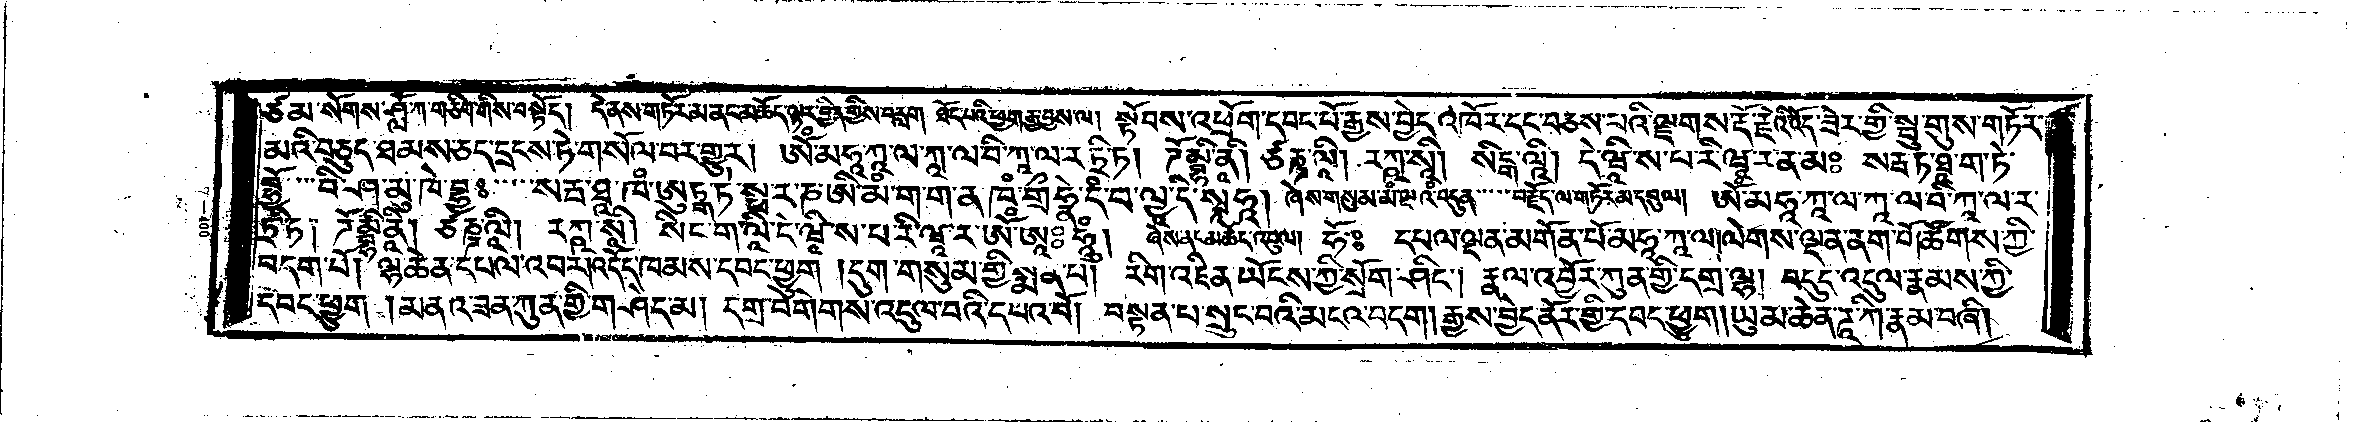ཙམ་སོགས་ཤླཽ་ཀ་གཅིག་གིས་བསྟོད། དེ་ནས་གཏོར་མ་ནང་མཆོད་ལྟར་བྱིན་གྱིས་བརླབ། ཐོད་པའི་ཕྱག་རྒྱ་བྱས་ལ།  སྟོབས་འཕྲོག་དབང་པོ་རྒྱས་བྱེད་འཁོར་དང་བཅས་པའི་ལྗགས་རྡོ་རྗེའི་འོད་ཟེར་གྱི་སྤུ་གུས་གཏོར་
མའི་བཅུད་ཐམས་ཅད་དྲངས་ཏེ་གསོལ་བར་གྱུར། ཨོཾ་མཧཱ་ཀཱ་ལ་ཀཱ་ལ་བི་ཀཱ་ལ་ར་ཏྲི་ཏ། ཌོམྦྷི་ནཱི། ཙཎྜ་ལཱི། རཀྵ་སཱི། སིངྒ་ལཱི། དེ་ཝཱི་ས་པ་རི་ཝཱ་ར་ན་མཿ སརྦ་ཏ་ཐཱ་ག་ཏེ་
བྷྱོ་བཻ་ཤྭ་མུ་ཁེ་བྷྱཿསརྦ་ཐཱ་ཁཾ་ཨུཏྒ་ཏེ་སྥ་ར་ཎ་ཨི་མཾ་ག་ག་ན་ཁཾ་གྲྀ་ཧྣེ་དཾ་ལ་ལྱཱ་དི་སྭཱཧཱ། ཞེས་གསུམ་མ་ལྔའམ་བདུན་བརྗོད་ལ་གཏོར་མ་དབུལ།  ཨོཾ་མ་ཧཱ་ཀཱ་ལ་ཀཱ་ལ་བི་ཀཱ་ལ་ར་
ཏྲ་ཏི༑ ཌོམྦྷི་ནཱི། ཙཎྜ་ལཱི། རཀྵ་སཱི། སིང་ག་ལཱི་དེ་ཝཱི་ས་པ་རི་ཝཱ་ར་ཨོཾ་ཨཱཿཧཱུཾ། ཞེས་ནང་མཆོད་འབུལ།  ཧོཿ དཔལ་ལྡན་མགོན་པོ་མཧཱ་ཀཱ་ལ། ལེགས་ལྡན་ནག་པོ། ཚོགས་ཀྱི་
བདག་པོ། ལྷ་ཆེན་དཔལ་འབར། འདོད་ཁམས་དབང་ཕྱུག །དུག་གསུམ་གྱི་སྨན་པ། རིག་འཛིན་ཡོངས་ཀྱི་སྲོག་ཤིང་། རྣལ་འབྱོར་ཀུན་གྱི་དགྲ་ལྷ། བདུད་འདུལ་རྣམས་ཀྱི་
དབང་ཕྱུག །མནའ་ཟན་ཀུན་གྱི་གཤེད་མ། དགྲ་བགེགས་འདུལ་བའི་དཔའ་བོ། བསྟན་པ་སྲུང་བའི་མངའ་བདག །རྒྱས་བྱེད་ནོར་གྱི་དབང་ཕྱུག །ཡུམ་ཆེན་ཌཱ་ཀི་རྣམ་བཞི།